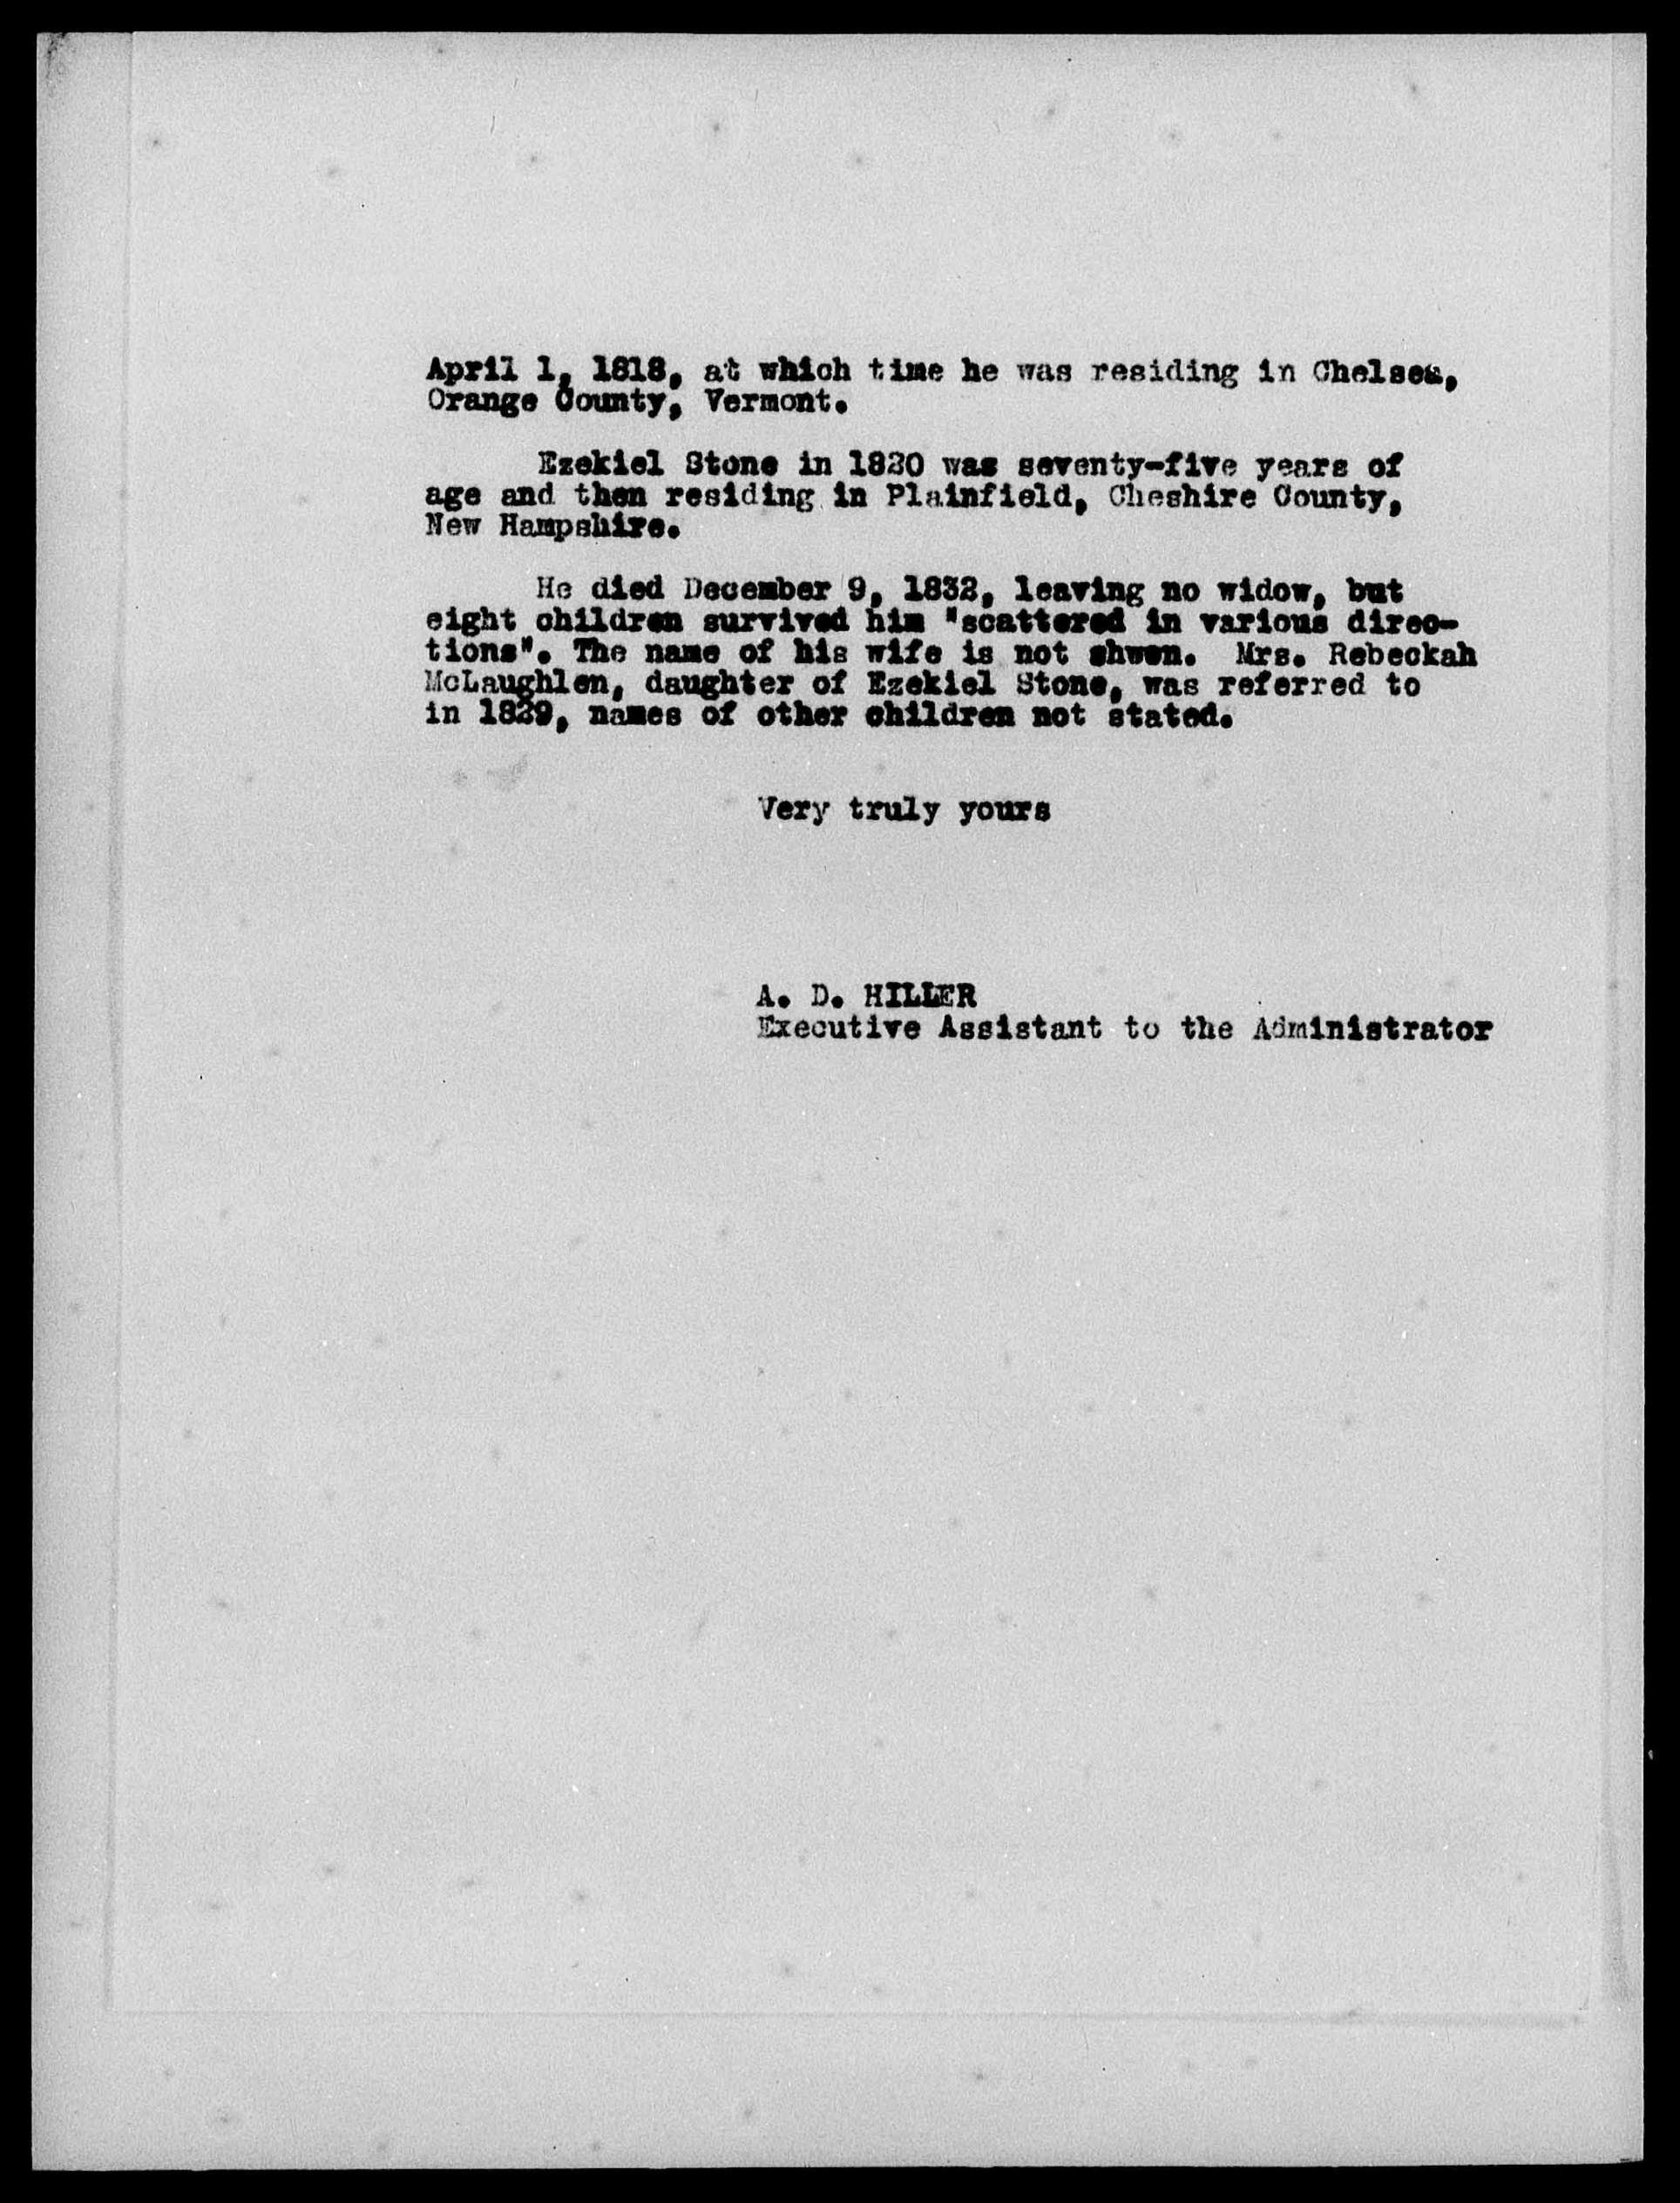April 1 1818, at which time he was residing in Chelsea, Orange County, Vermont.

Ezekiel Stone in 1820 was seventy-five yers of age and then residing in Plainfield, Cheshire County, New Hampshire.

He died December 9, 1838, leaving no widow, but eight children survived him "scattered in various directions".  The name of his wife is not shown.  Mrs. Rebeckah McLaughlen, daughter of Ezekiel Stone, was referred to in 1829, names of other children not stated.

Very truly yours
A. D. HILLER
Executive Assistant to the Administrator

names: Ezekiel Stone; A D Hiller; Ezekiel Stone; Rebeckah Mclaughlen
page: 19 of 38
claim: survivor's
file: S. 43181, for Ezekiel Stone, New Hampshire